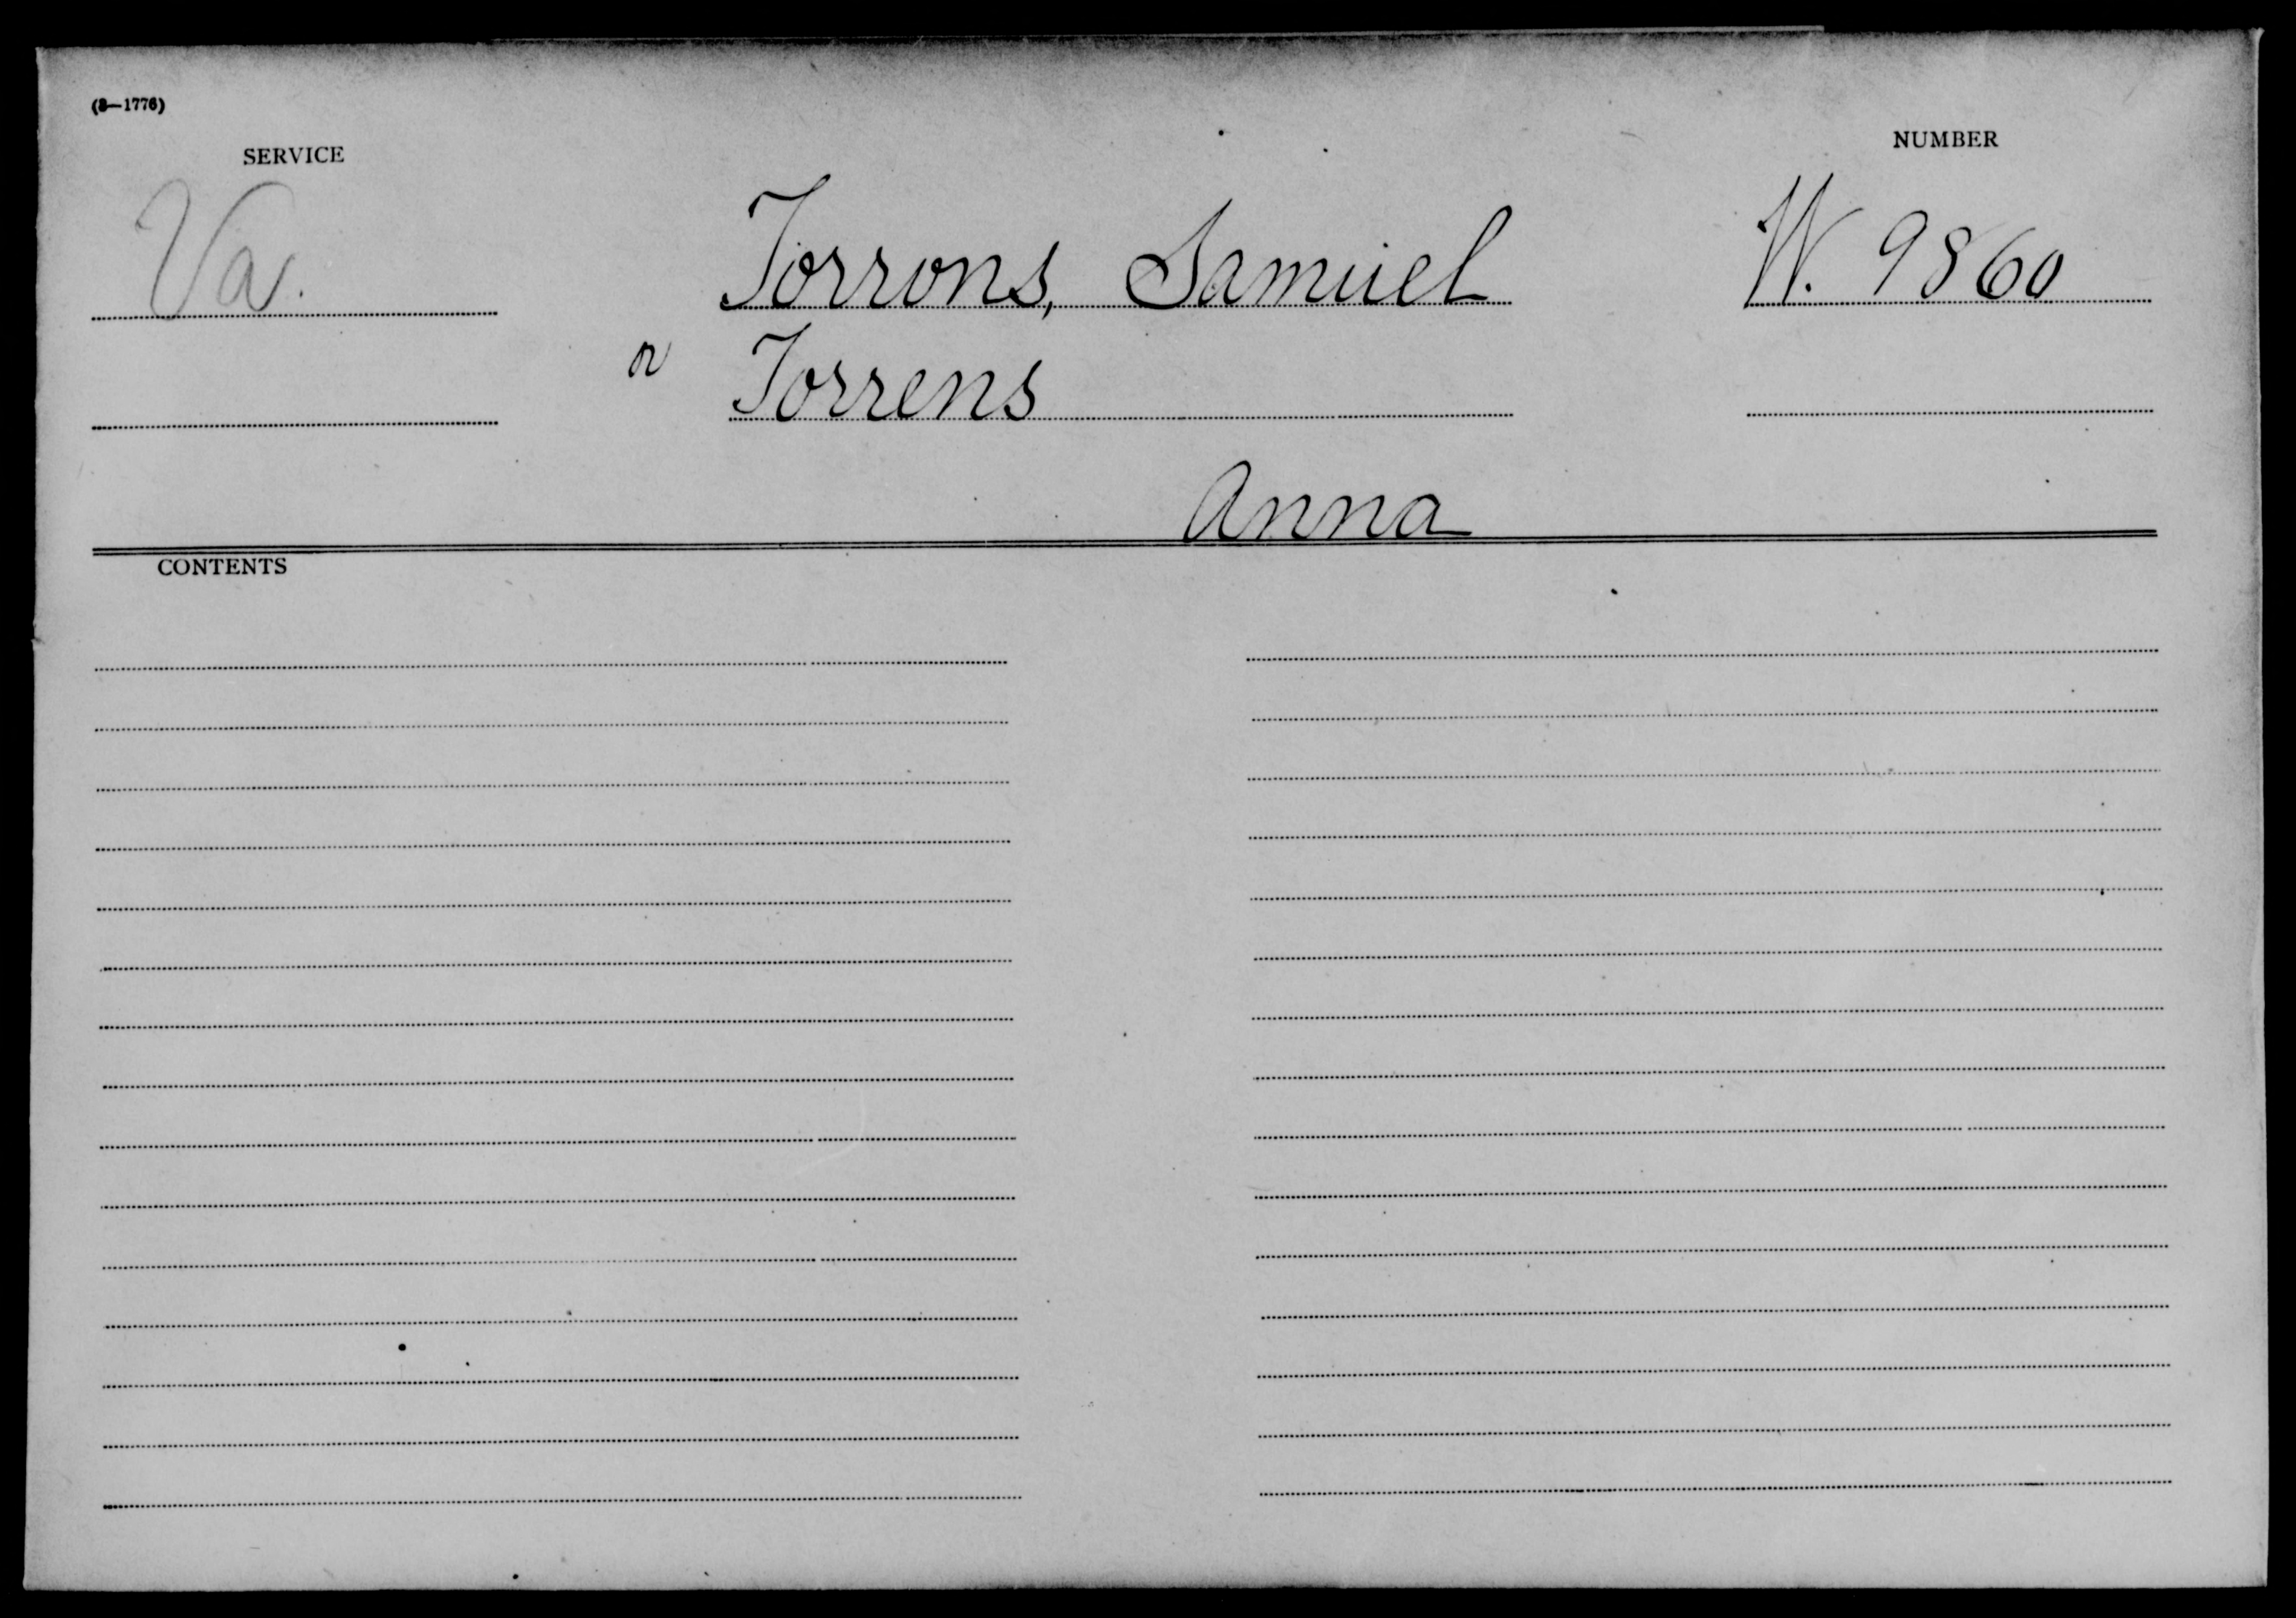SERVICE NUMBER
Va. Torrons, Samuel W. 9860
or Torrens
Anna
CONTENTS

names: Samuel Torrens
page: 1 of 27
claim: widow's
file: W. 9860, Samuel Torrons, Va.